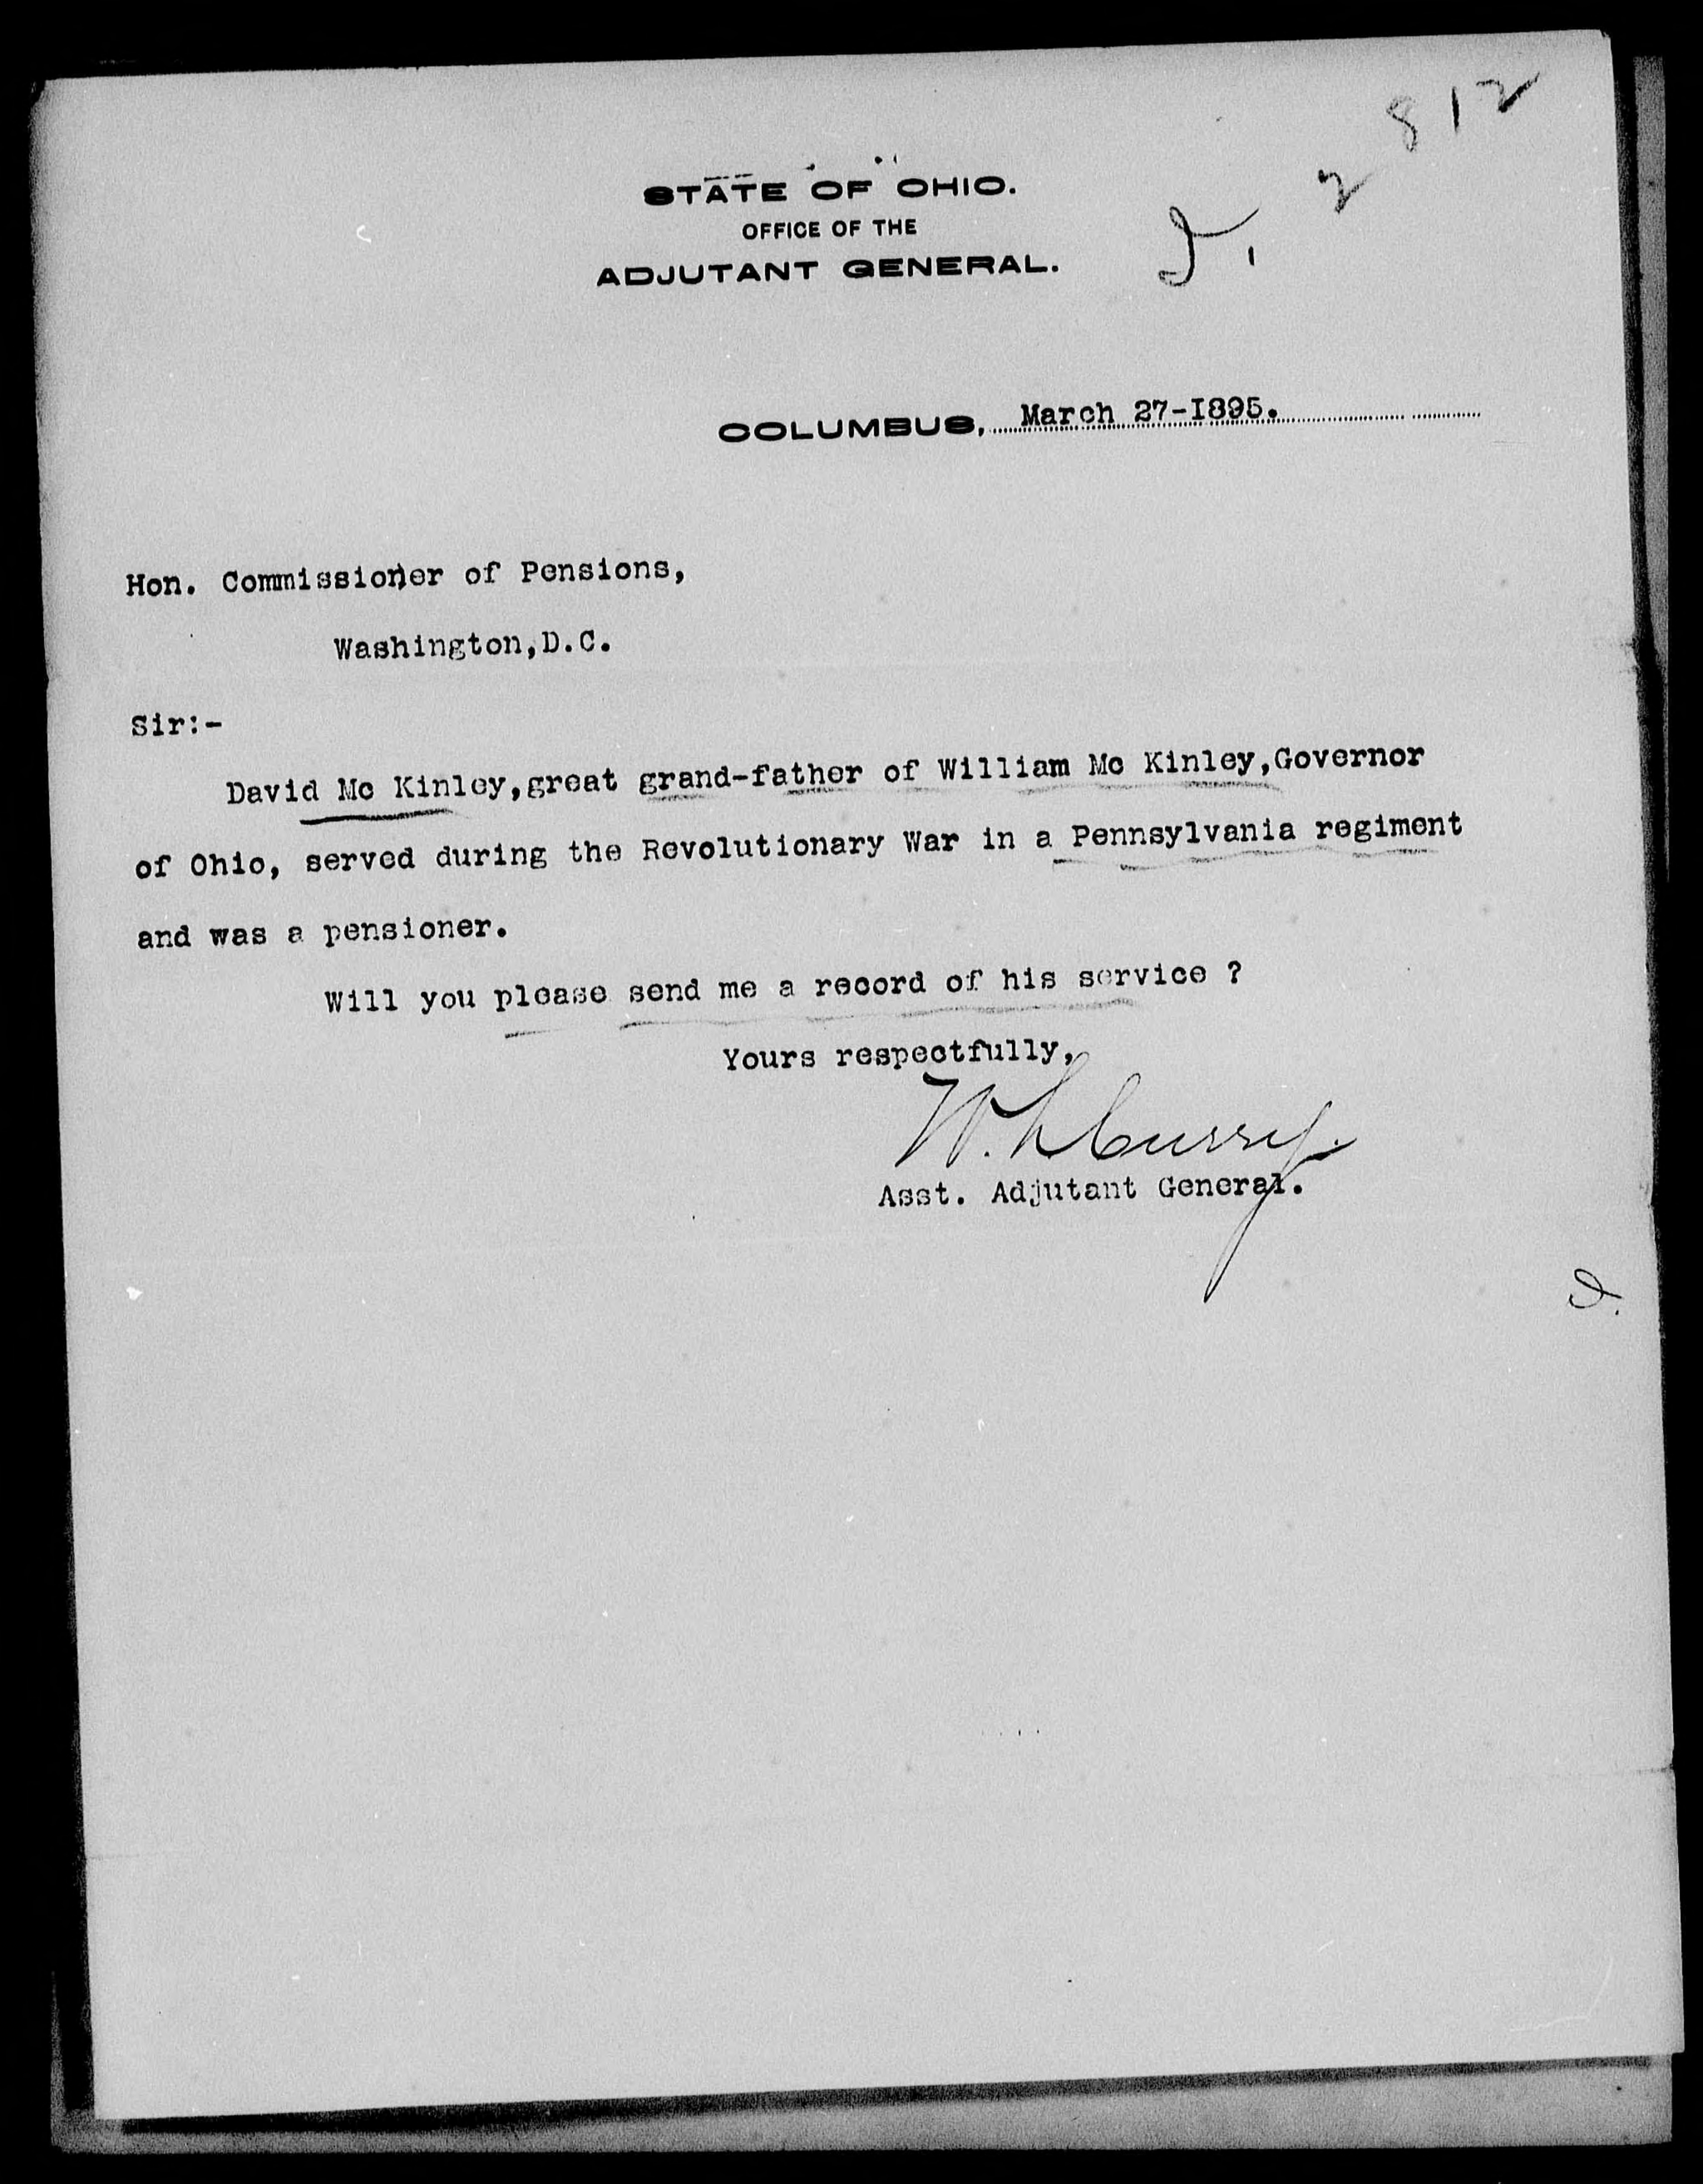STATE OF OHIO
OFFICE OF THE 
ADJUTANT GENERAL.

[annotation in pencil] S. 2812

COLUMBUS, March 27-1895

Hon. Commissioner of Pensios,
Washington, D.C.

Sir:- 
David Mc Kinley, great grand-father of William Mc Kinley, Governor
of Ohio, served during the Revolutionary War in a Pennsylvania regiment
and was a pensioner.
Will you please send me a record of his service?

Yours respectfully,
W. L. Curry
Asst. Adjutant General.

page: 34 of 39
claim: survivor's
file: S. 2812, for David Mc Kinley, Pennsylvania